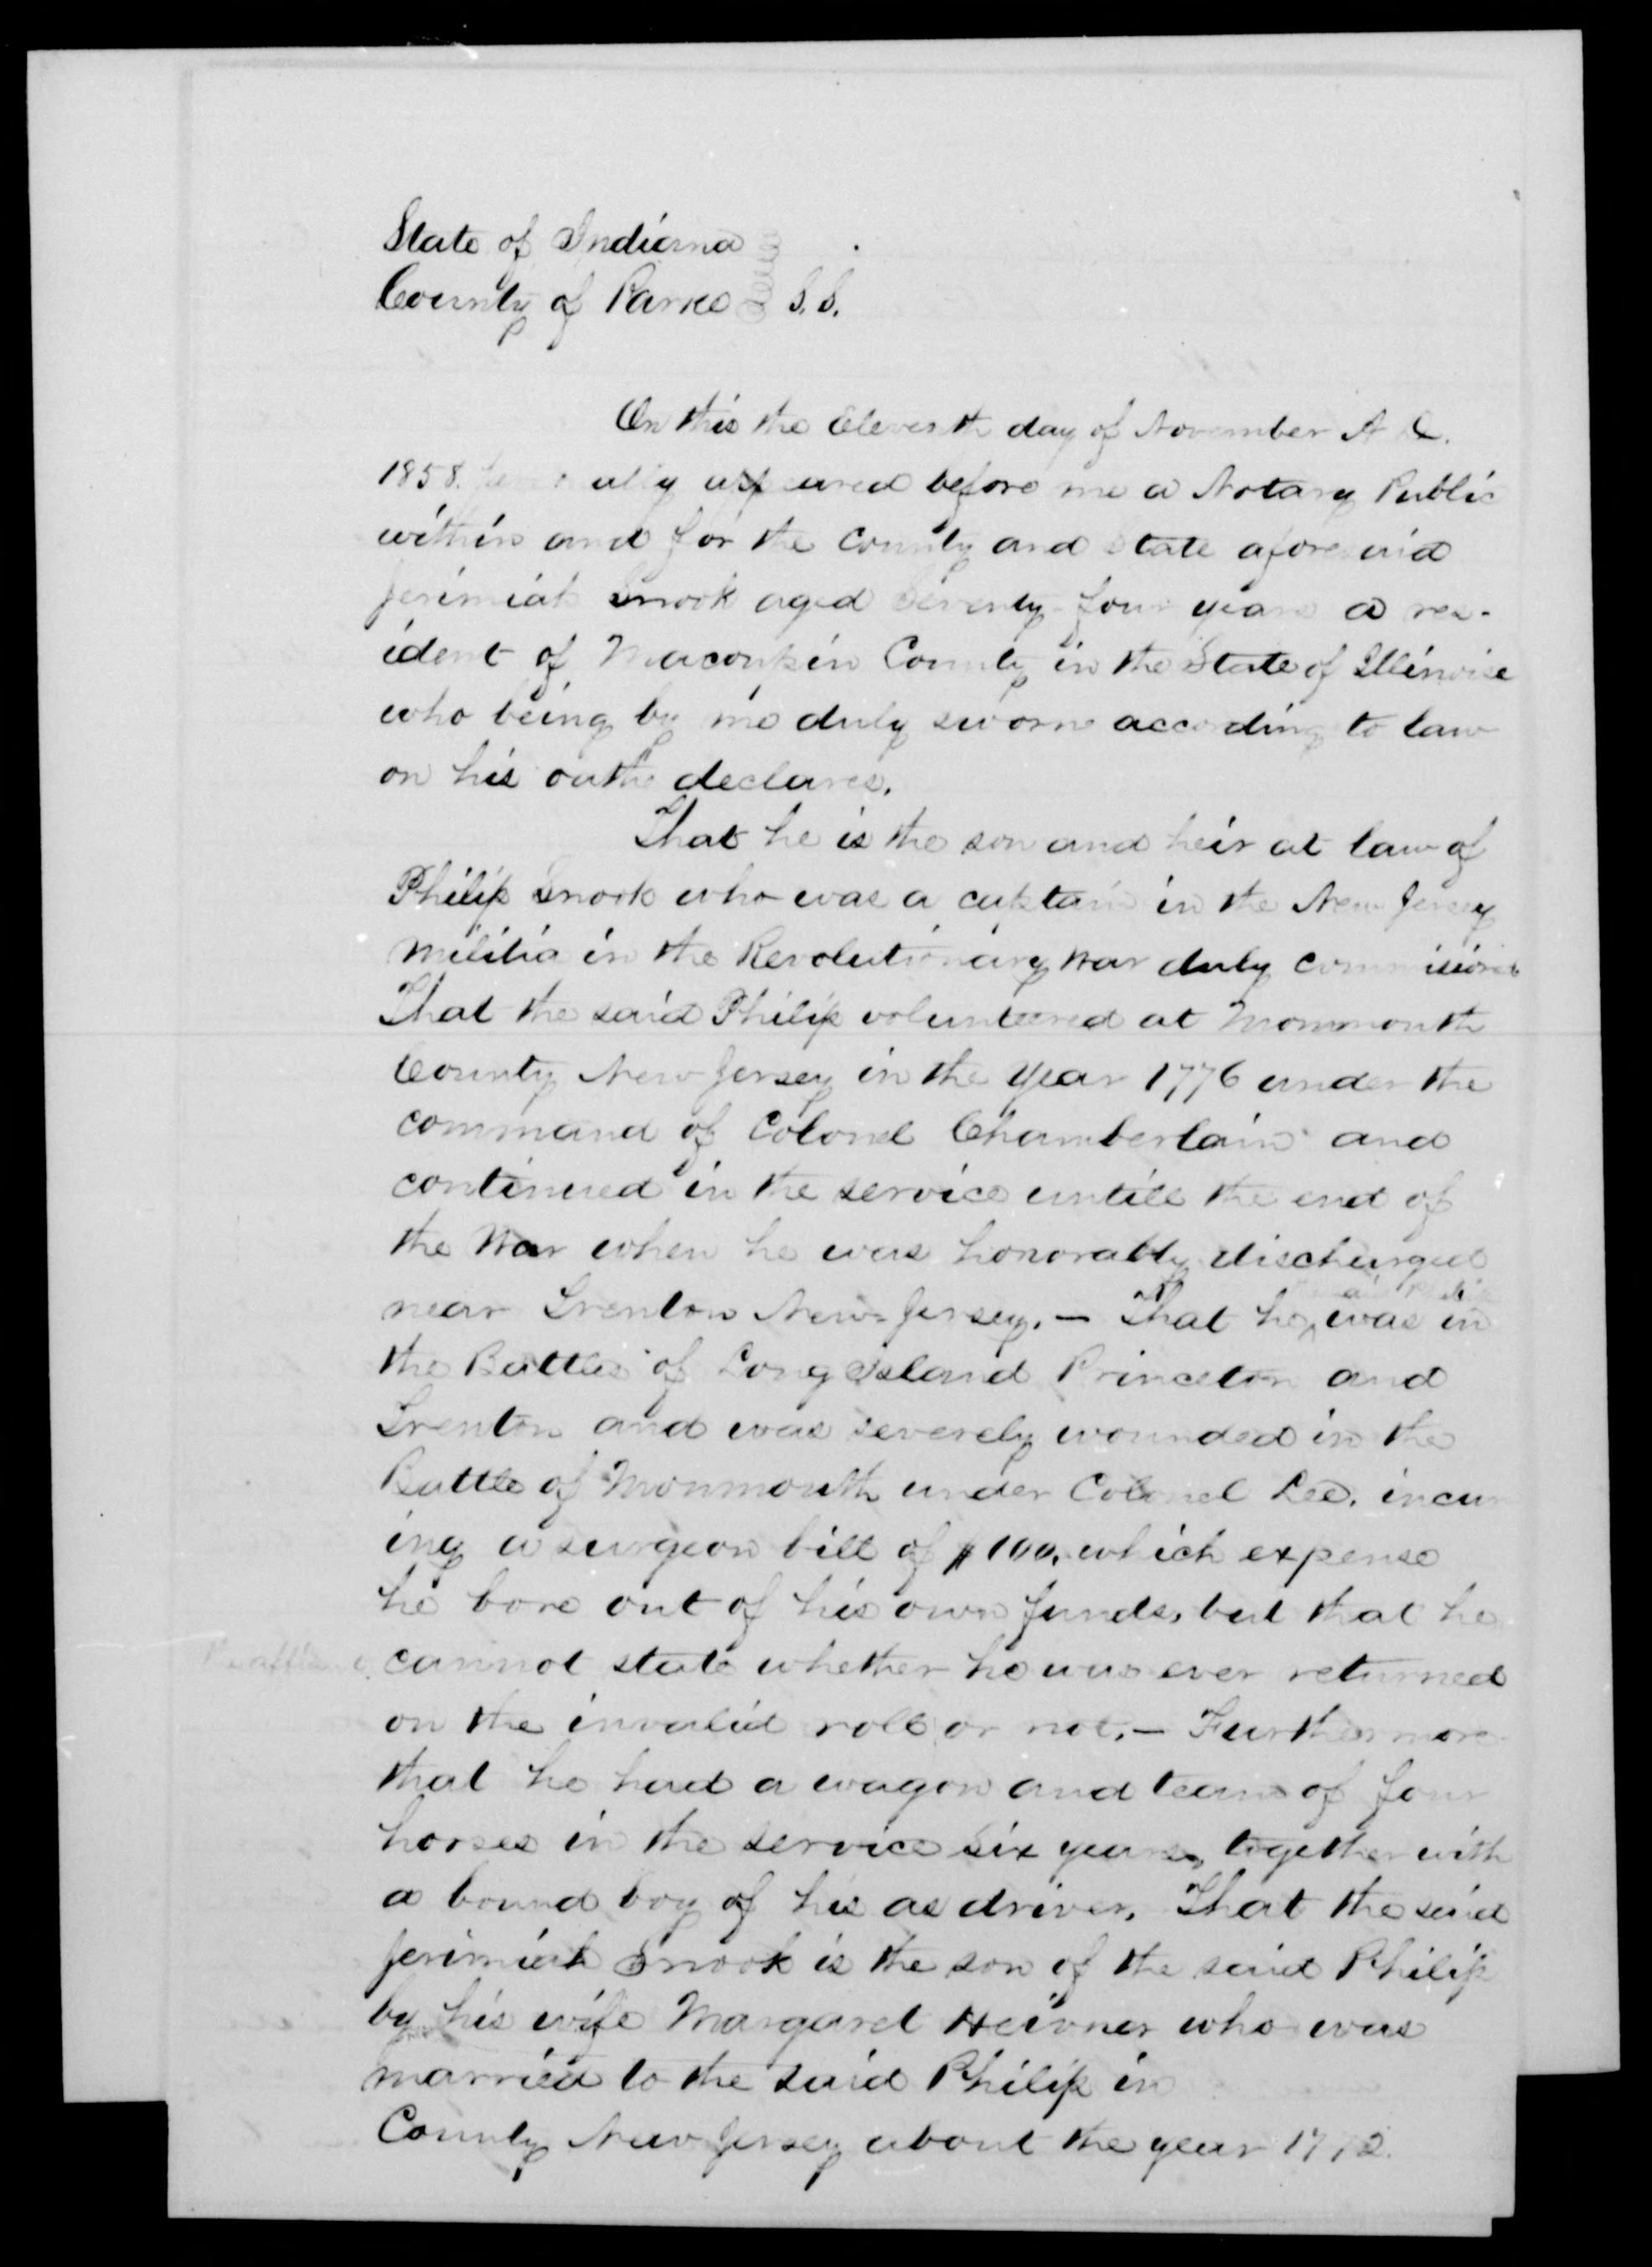State of Indiana
County of Parke ⎬ S.S.
On this the Eleventh day of November A.D. 1858 personally appeared before me a Notary Public within and for the County and state aforesaid Jeremiah Snook aged seventy four years a resident of Macoupin County in the State of Illinois who being by me duly sworn according to law on his oath declares.

That he is the son and heir at law of Philip Snook who was a captain in the New Jersey
militia in the Revolutionary war duly commissioned.  That the said Philip volunteered at Monmouth County New Jersey in the year 1776 under the command of Colonel Chamberlain and continued in the service untill the end of the war when he was honorably discharged near Trenton New Jersey. That he was in the Battles of Long Island Princeton and
Trenton and was severely wounded in the
Battle of Monmouth under Colonel Lee, incurring surgeon bill of $100, which expense
he bore out of his own funds, but that he
cannot state whether he was ever returned
on the invalid roll or not.-- Furthermore that he had a wagon and term of four horses in the service six years, together with a bound boy of his as driver. That the said Jerimiah Snook is the son of the said Philip by his wife Margaret Heivner who was married to the said Philip in [blank]  County New Jersey about the year 1772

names: [BLANK] Snook; Philip Snook; [BLANK] Chamberlain; Philip [BLANK]; Philip [BLANK]; Philip [BLANK]; Jerimiah Snook; Margaret Heivner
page: 12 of 15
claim: rejected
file: R. 9,905, for Philip Snook, New Jersey